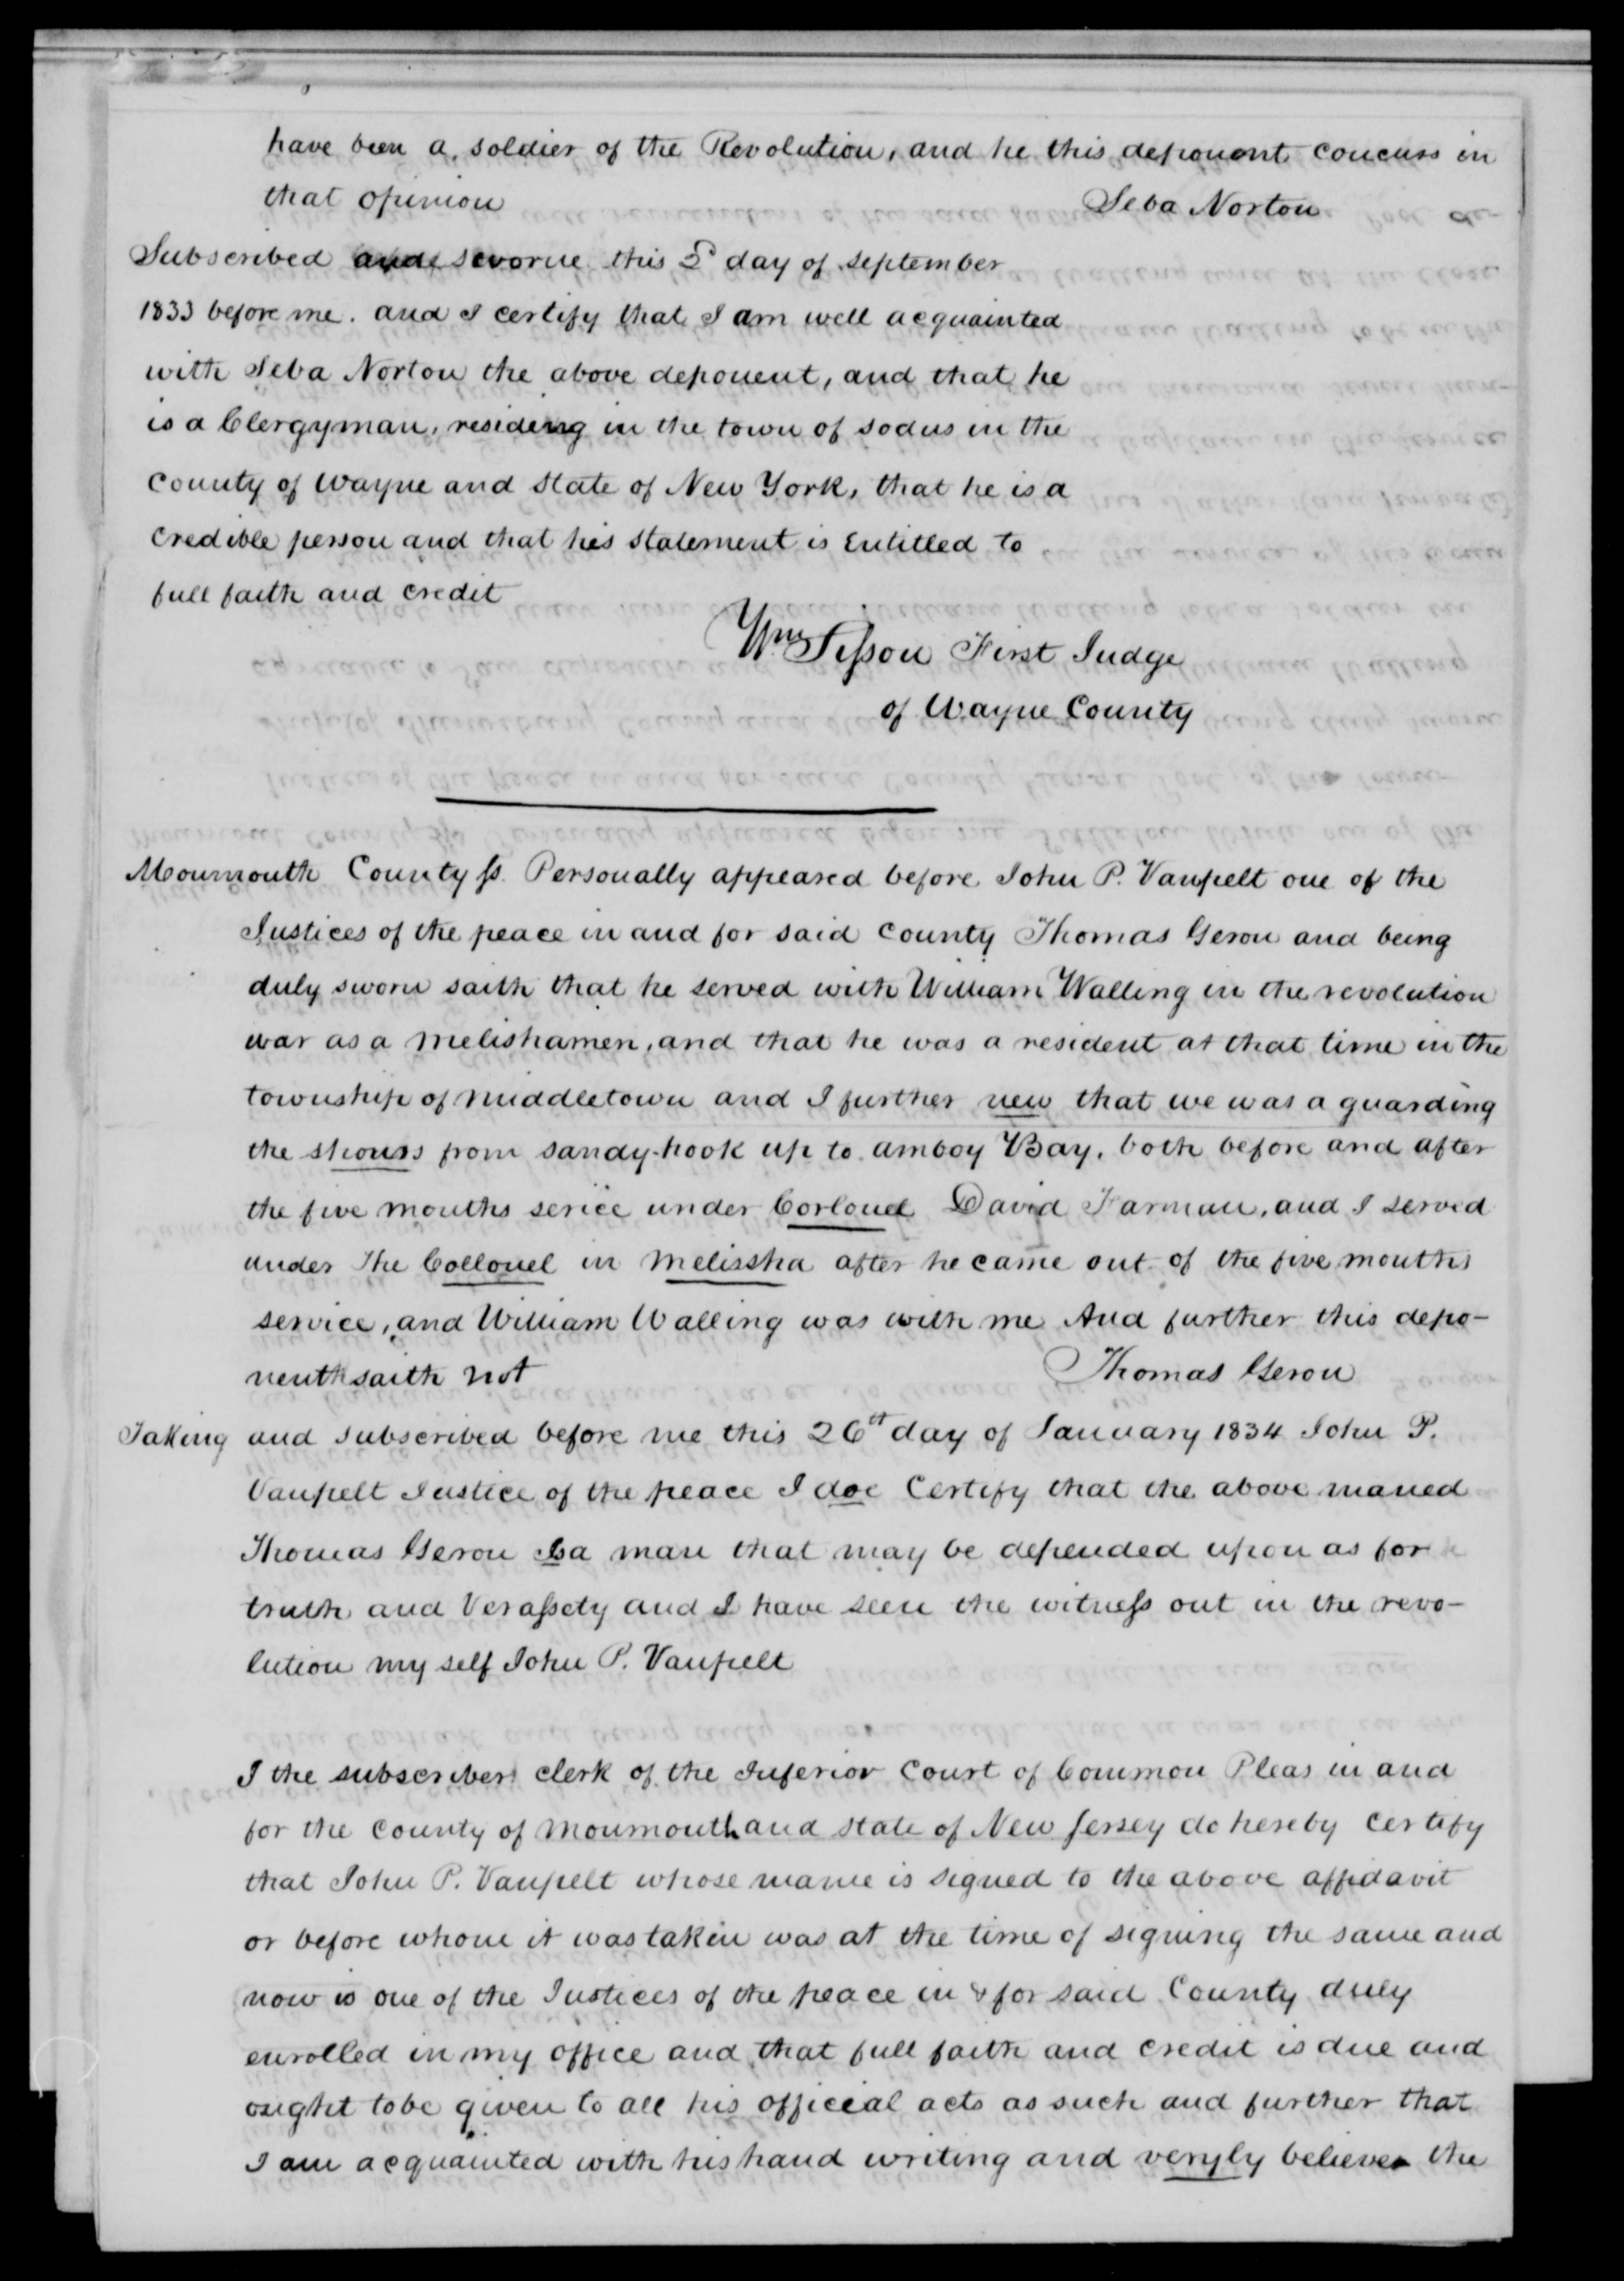have been a soldier of the Revolution, and he this deponent concurs in that opinion. Seba Norton
Subscribed and sworn this 2d day of September 1833 before me and I certify that I am well acquainted with Seba Norton the above deponent, and that he is a Clergyman residing in the town of Sodus in the County of Wayne and State of New York, that he is a credible person and his statement is entitled to full faith and credit. Wm Sisson, First Judge of Wayne County

Monmouth County, ss Personally appeared before John P Vanpelt one of the Justices of the Peace in and for said county Thomas Geron and being duly sworn saith that he served with William Walling in the revolution war as a (sic, melishamen) militiaman, and that he was a resident at that time in the township of Middletown and I further knew that we was guarding the shores from Sandy Hook up to Amboy Bay both before and after the five months service under Colonel David Forman and I served under the Colonel in (sic, Melissha) Militia after he came out of the five months service, and William Walling was with me and further this deponent saith not. Thomas Geron

Taking and subscribed before me this 26th day of January 1834 John P Vanpelt Justice of the Peace I do certify that the above named Thomas Geron is a man that may be depended upon as for truth and veracity and I have seen the witness out in the revolution myself, John P Vanpelt

I the subscriber of the Inferior Court of Common Please in and for the County of Monmouth and State of New Jersey do hereby certify that John P Vanpelt whose name is signed to the above affidavit or before whom it was taken was at the time of signing the same and now is one of the Justices of the Peace in & for said County duly enrolled in my office and that full faith and credit is due and ought to be given to all his official acts as such and further that I am acquainted with his hand writing and verily believe the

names: Seba Norton, Wm Sisson, John P Vanpelt, David Forman, Seba Norton, John P Vanpelt, John P Vanpelt, William Walling, William Walling, Thomas Geron, John P Vanpelt, Thomas Geron, Thomas Geron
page: 45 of 66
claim: widow's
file: W. 19588, William Walling, New Jersey